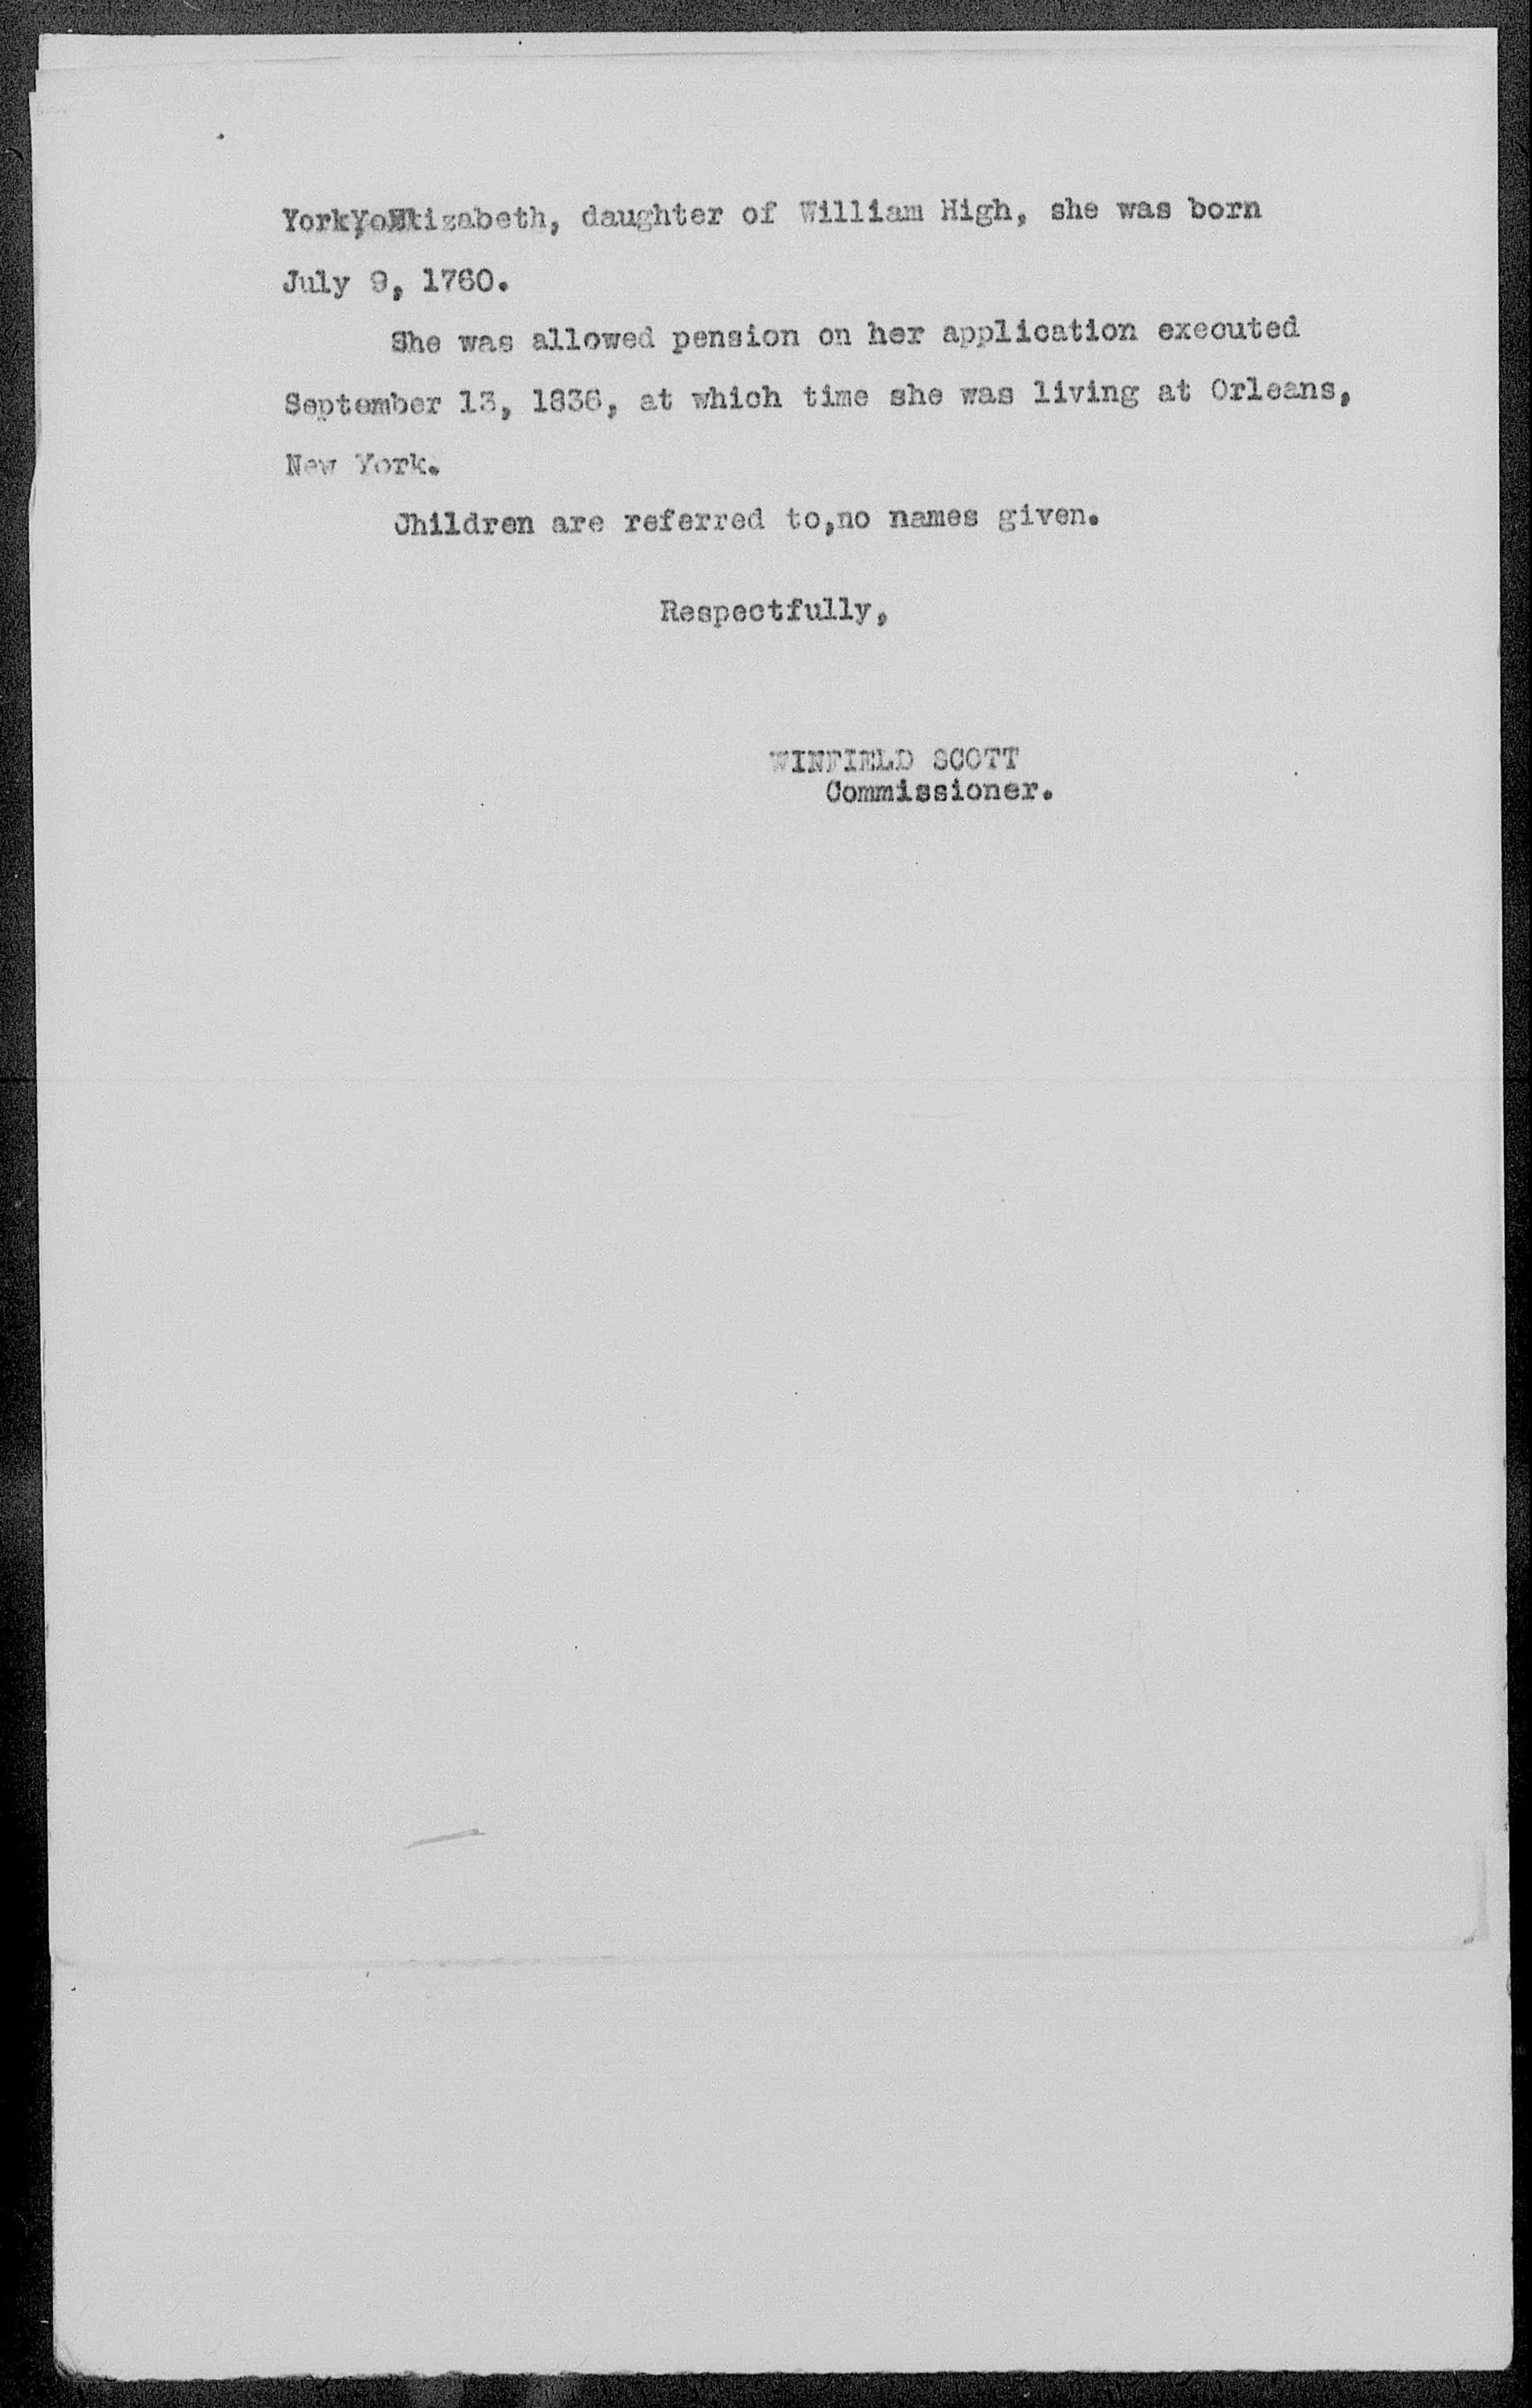York, Elizabeth, daughter of William High, she was born July 9, 1760. 
She was allowed pension on her application executed September 13, 1836, at which time she was living at Orleans, New York. 
Children are referred to, no names given. 

Respectfully, 

Winfield Scott
Commissioner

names: Elizabeth, Winfield Scott, William High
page: 12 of 83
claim: widow's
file: W. 10,384, Oliver Barrett, Continental (Vt.) N.Y.